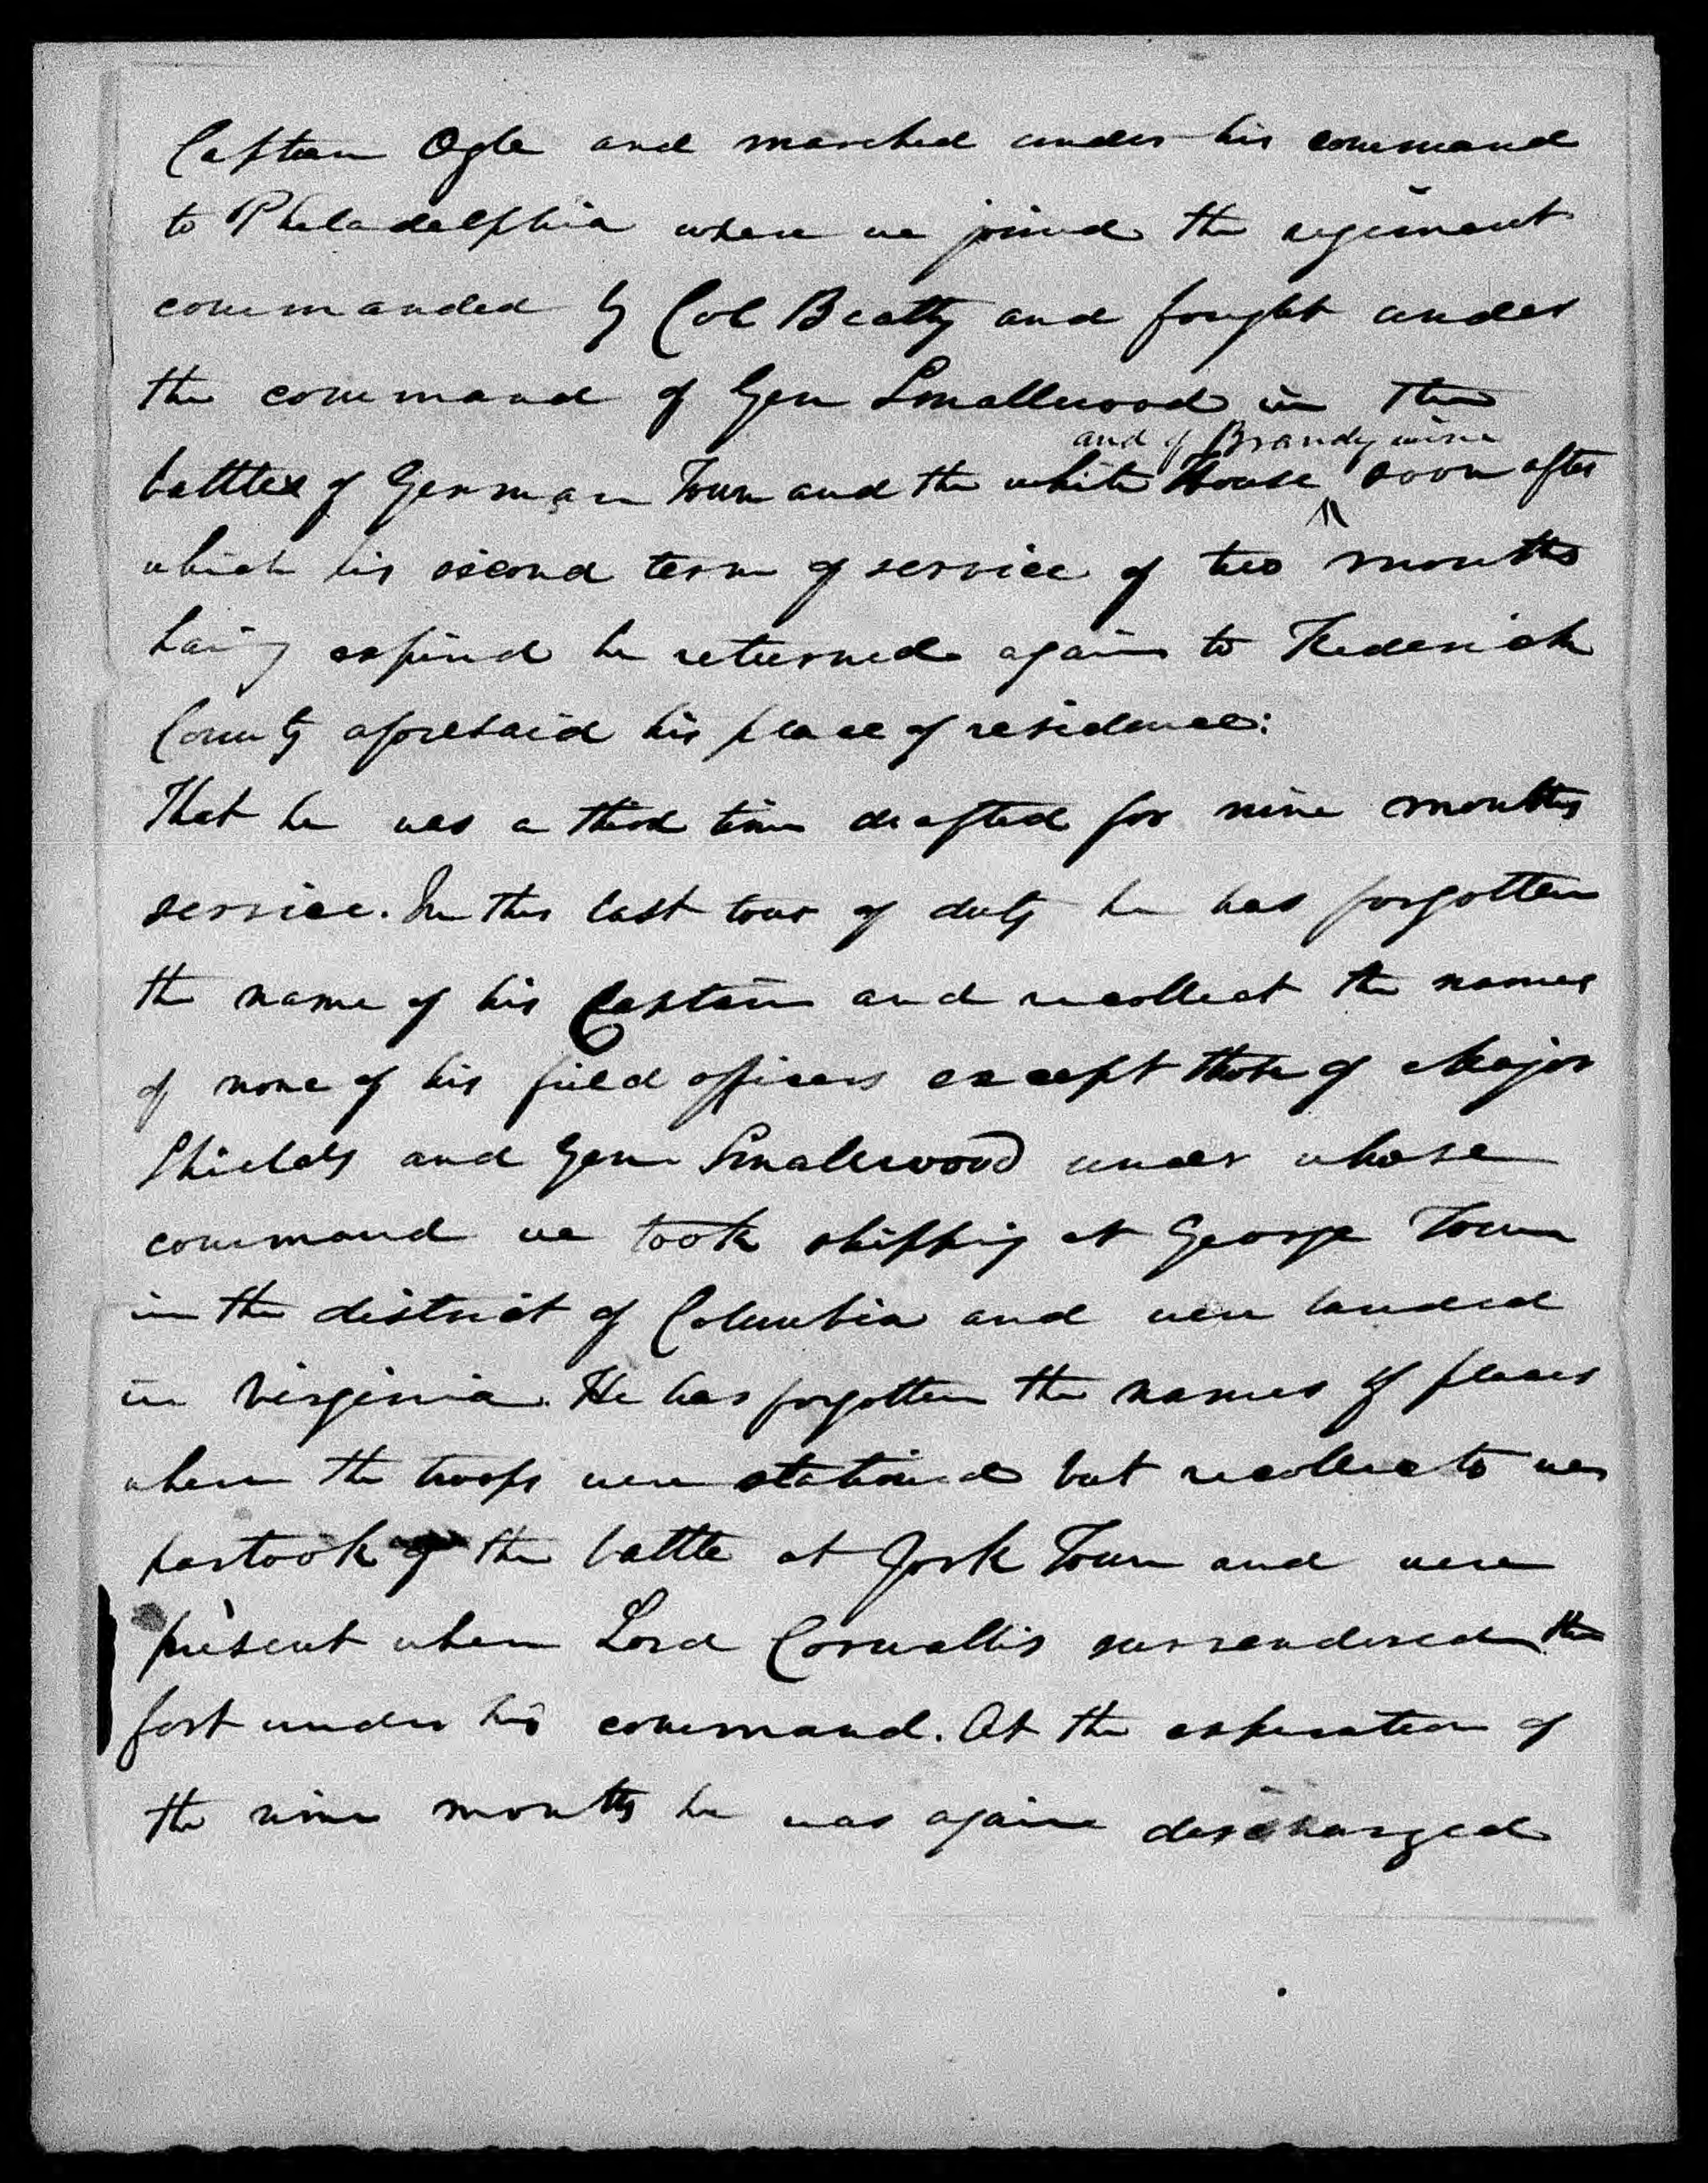Captain Ogle and marched under his command
to Philadelphia where he joined the regiment
commanded by Col Beatty and fought under
the command of Gen Smallwood in the
battles of German Town and the White House and of Brandywine soon after
which his second term of service of two months
having expired he returned again to Frederick
County aforesaid his place of residence:

That he was a third time drafted for nine months
service.  In the last tour of duty he has forgotten
the name of his Captain and recollect the names
of none of his field officers except that of Major
Shields and Gen Smallwood under whose
command we took shipping at George Town
in the district of Columbia and were landed
in Virginia.  He has forgotten the names of places
where the troops were stationed but recollects we
partook of the battle of York Town and were
present when Lord Cornwallis surrendered the
fort under his command.  At the expiration of 
the nine months he was again discharged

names: Ogle, Shields, Beatty, Corwallis, Smallwood, Smallwood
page: 4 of 11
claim: survivor's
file: S. 8554, Henry Geasey, Md.